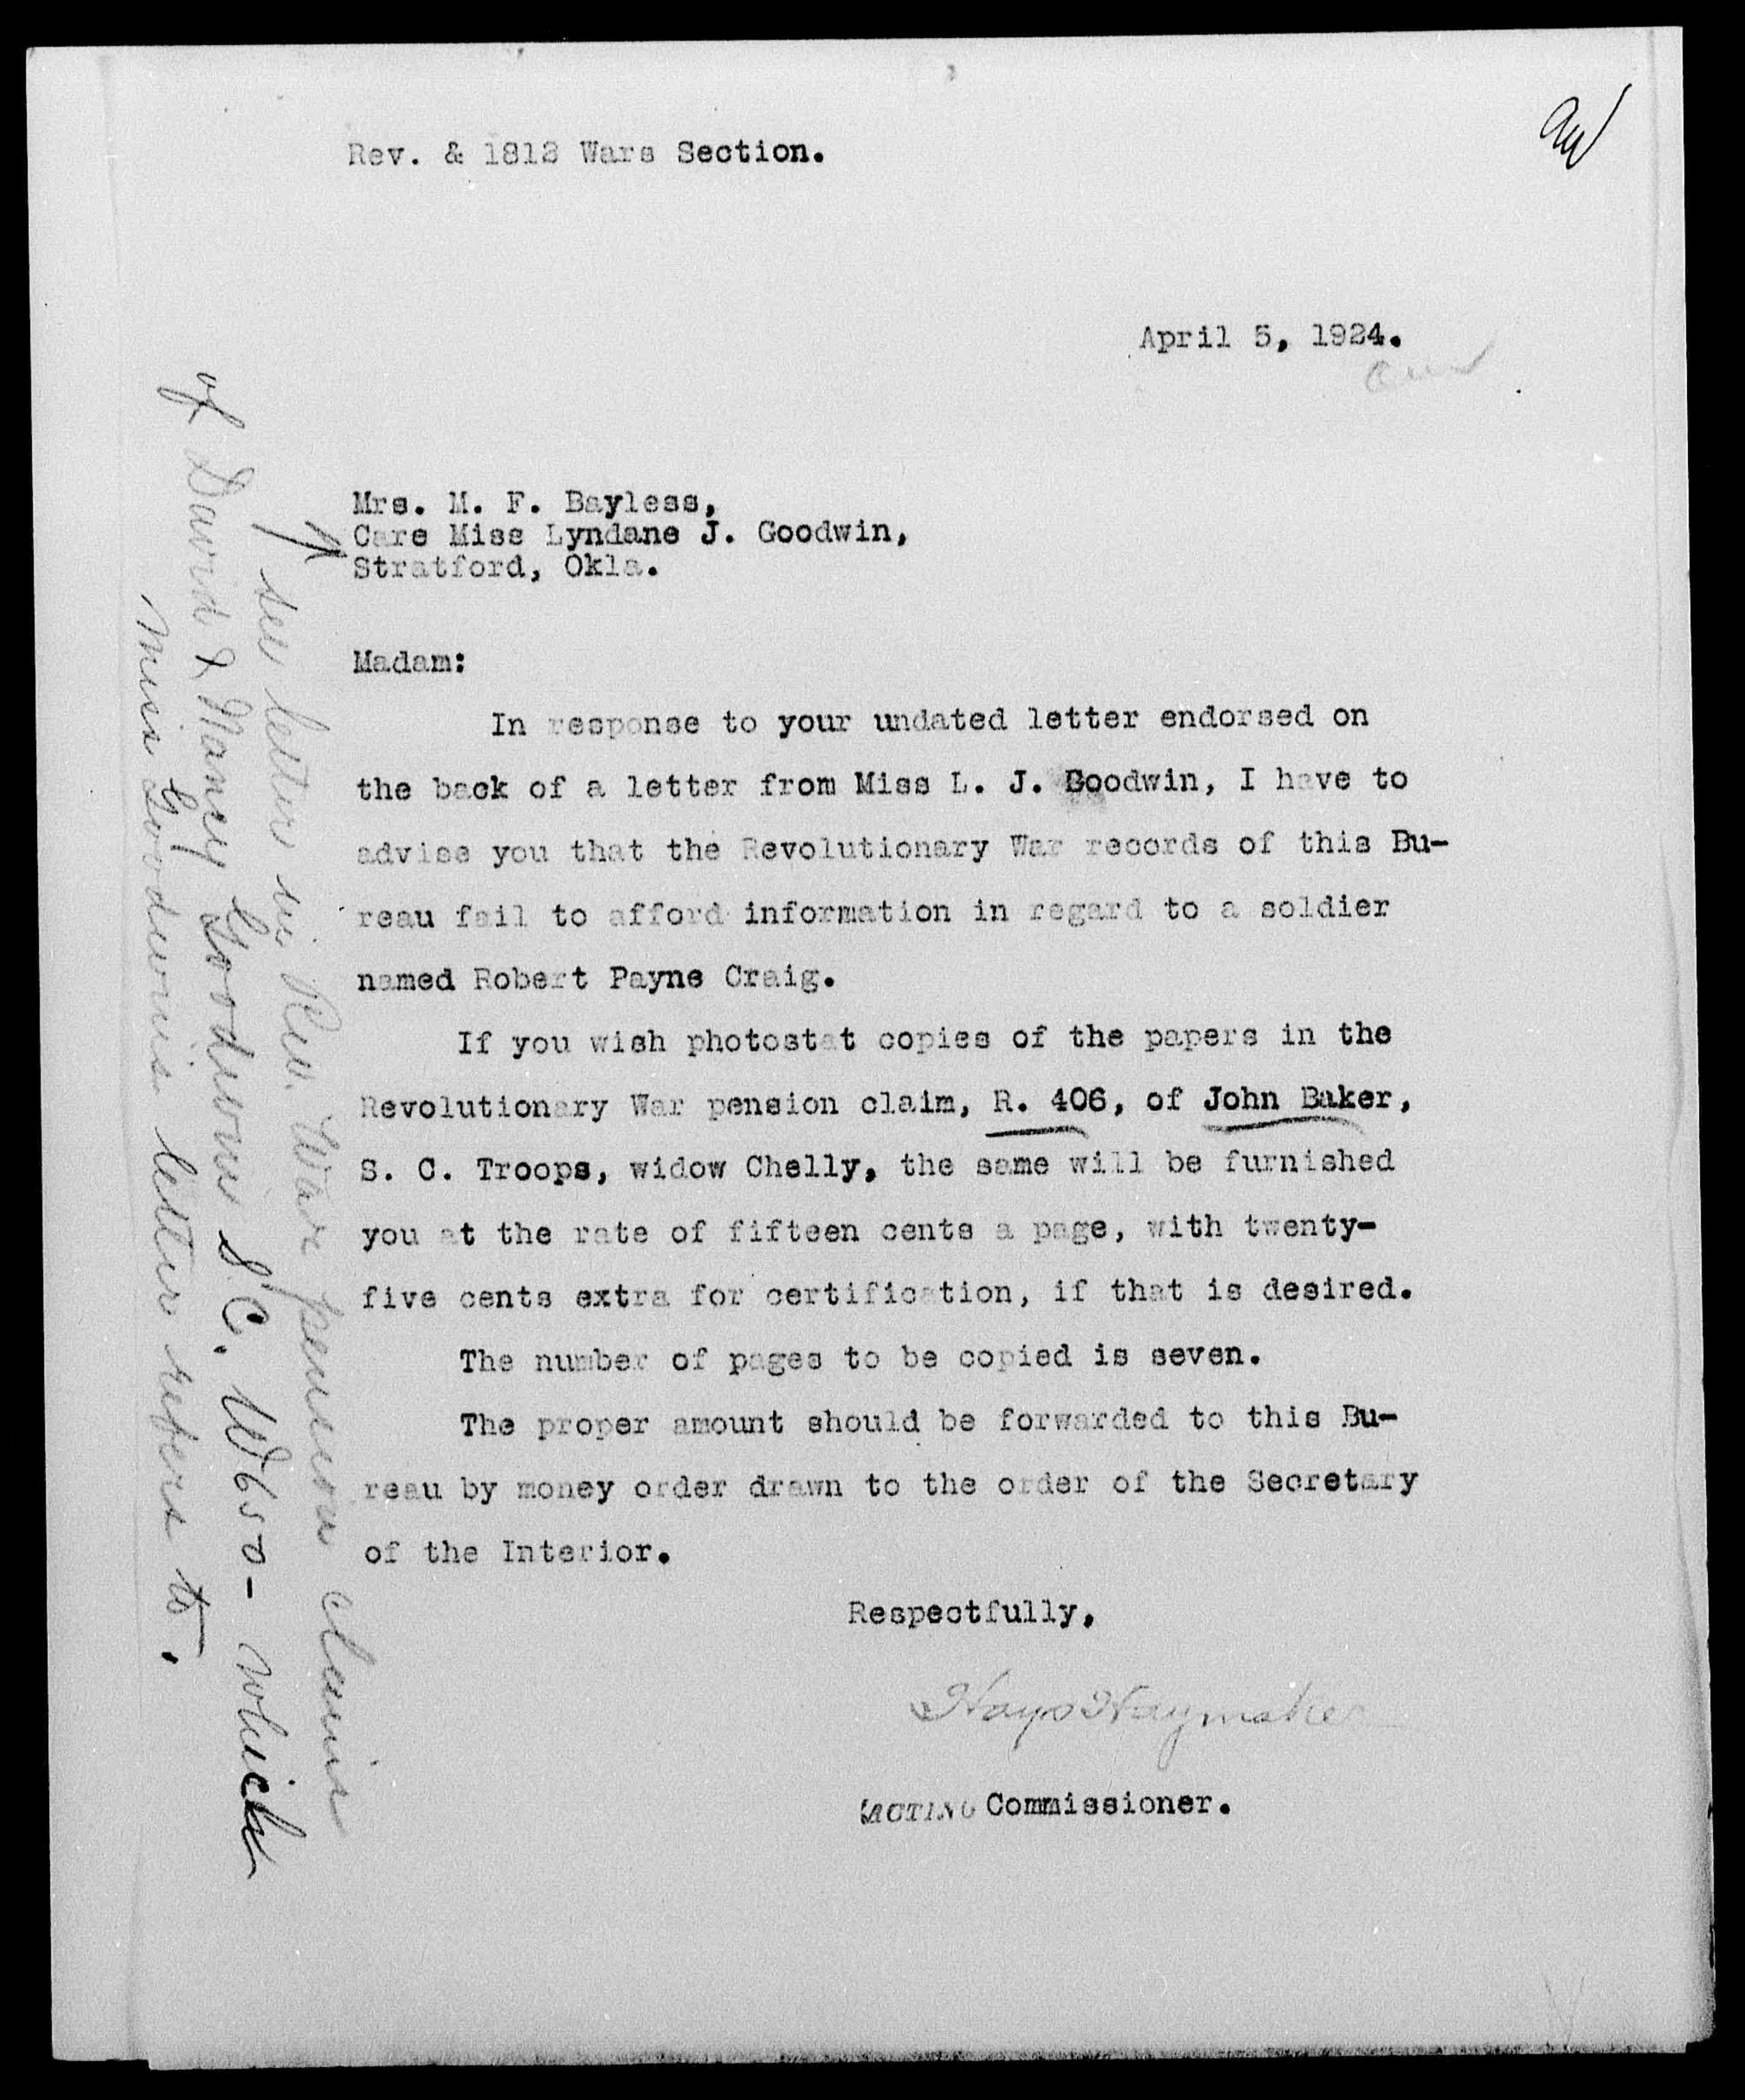Rev. & 1812 Wars Section. 3-1865 AW
AW

April 5, 1924.

Mrs. M. F. Bayless,
Care Miss Lyndane J. Goodwin,
Stratford, Okla.

Madam:
In response to your undated letter endorsed on the back of a letter from Miss L. J. Goodwin, I have to advise you that the Revolutionary War records of this Bureau fail to afford information in regard to a soldier named Robert Payne Craig.
If you wish photostat copies of the papers in the Revolutionary War pension claim, R. 406, of John Baker, S. C. Troops, widow Chelly, the same will be furnished you at the rate of fifteen cents a page, with twenty-five cents extra for certification, if that is desired.
The number of pages to be copied is seven.
The proper amount should be forwarded to this Bureau by money order drawn to the order of the Secretary of the Interior.
Respectfully,
Hays Haymaker
ACTING Commissioner.

[sideways writing]
See letter in Rev. War pension claim of David & Nancy Goodwin S.C. W650 - which Miss Goodwin's letter refers to.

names: John Baker, Robert Payne Craig, M F Bayless, L J Goodwin, Nancy Goodwin, Chelly, David Goodwin, Lyndane J Goodwin, Goodwins, Hays Haymaker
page: 27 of 27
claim: rejected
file: R. 406, John Baker, S.C.